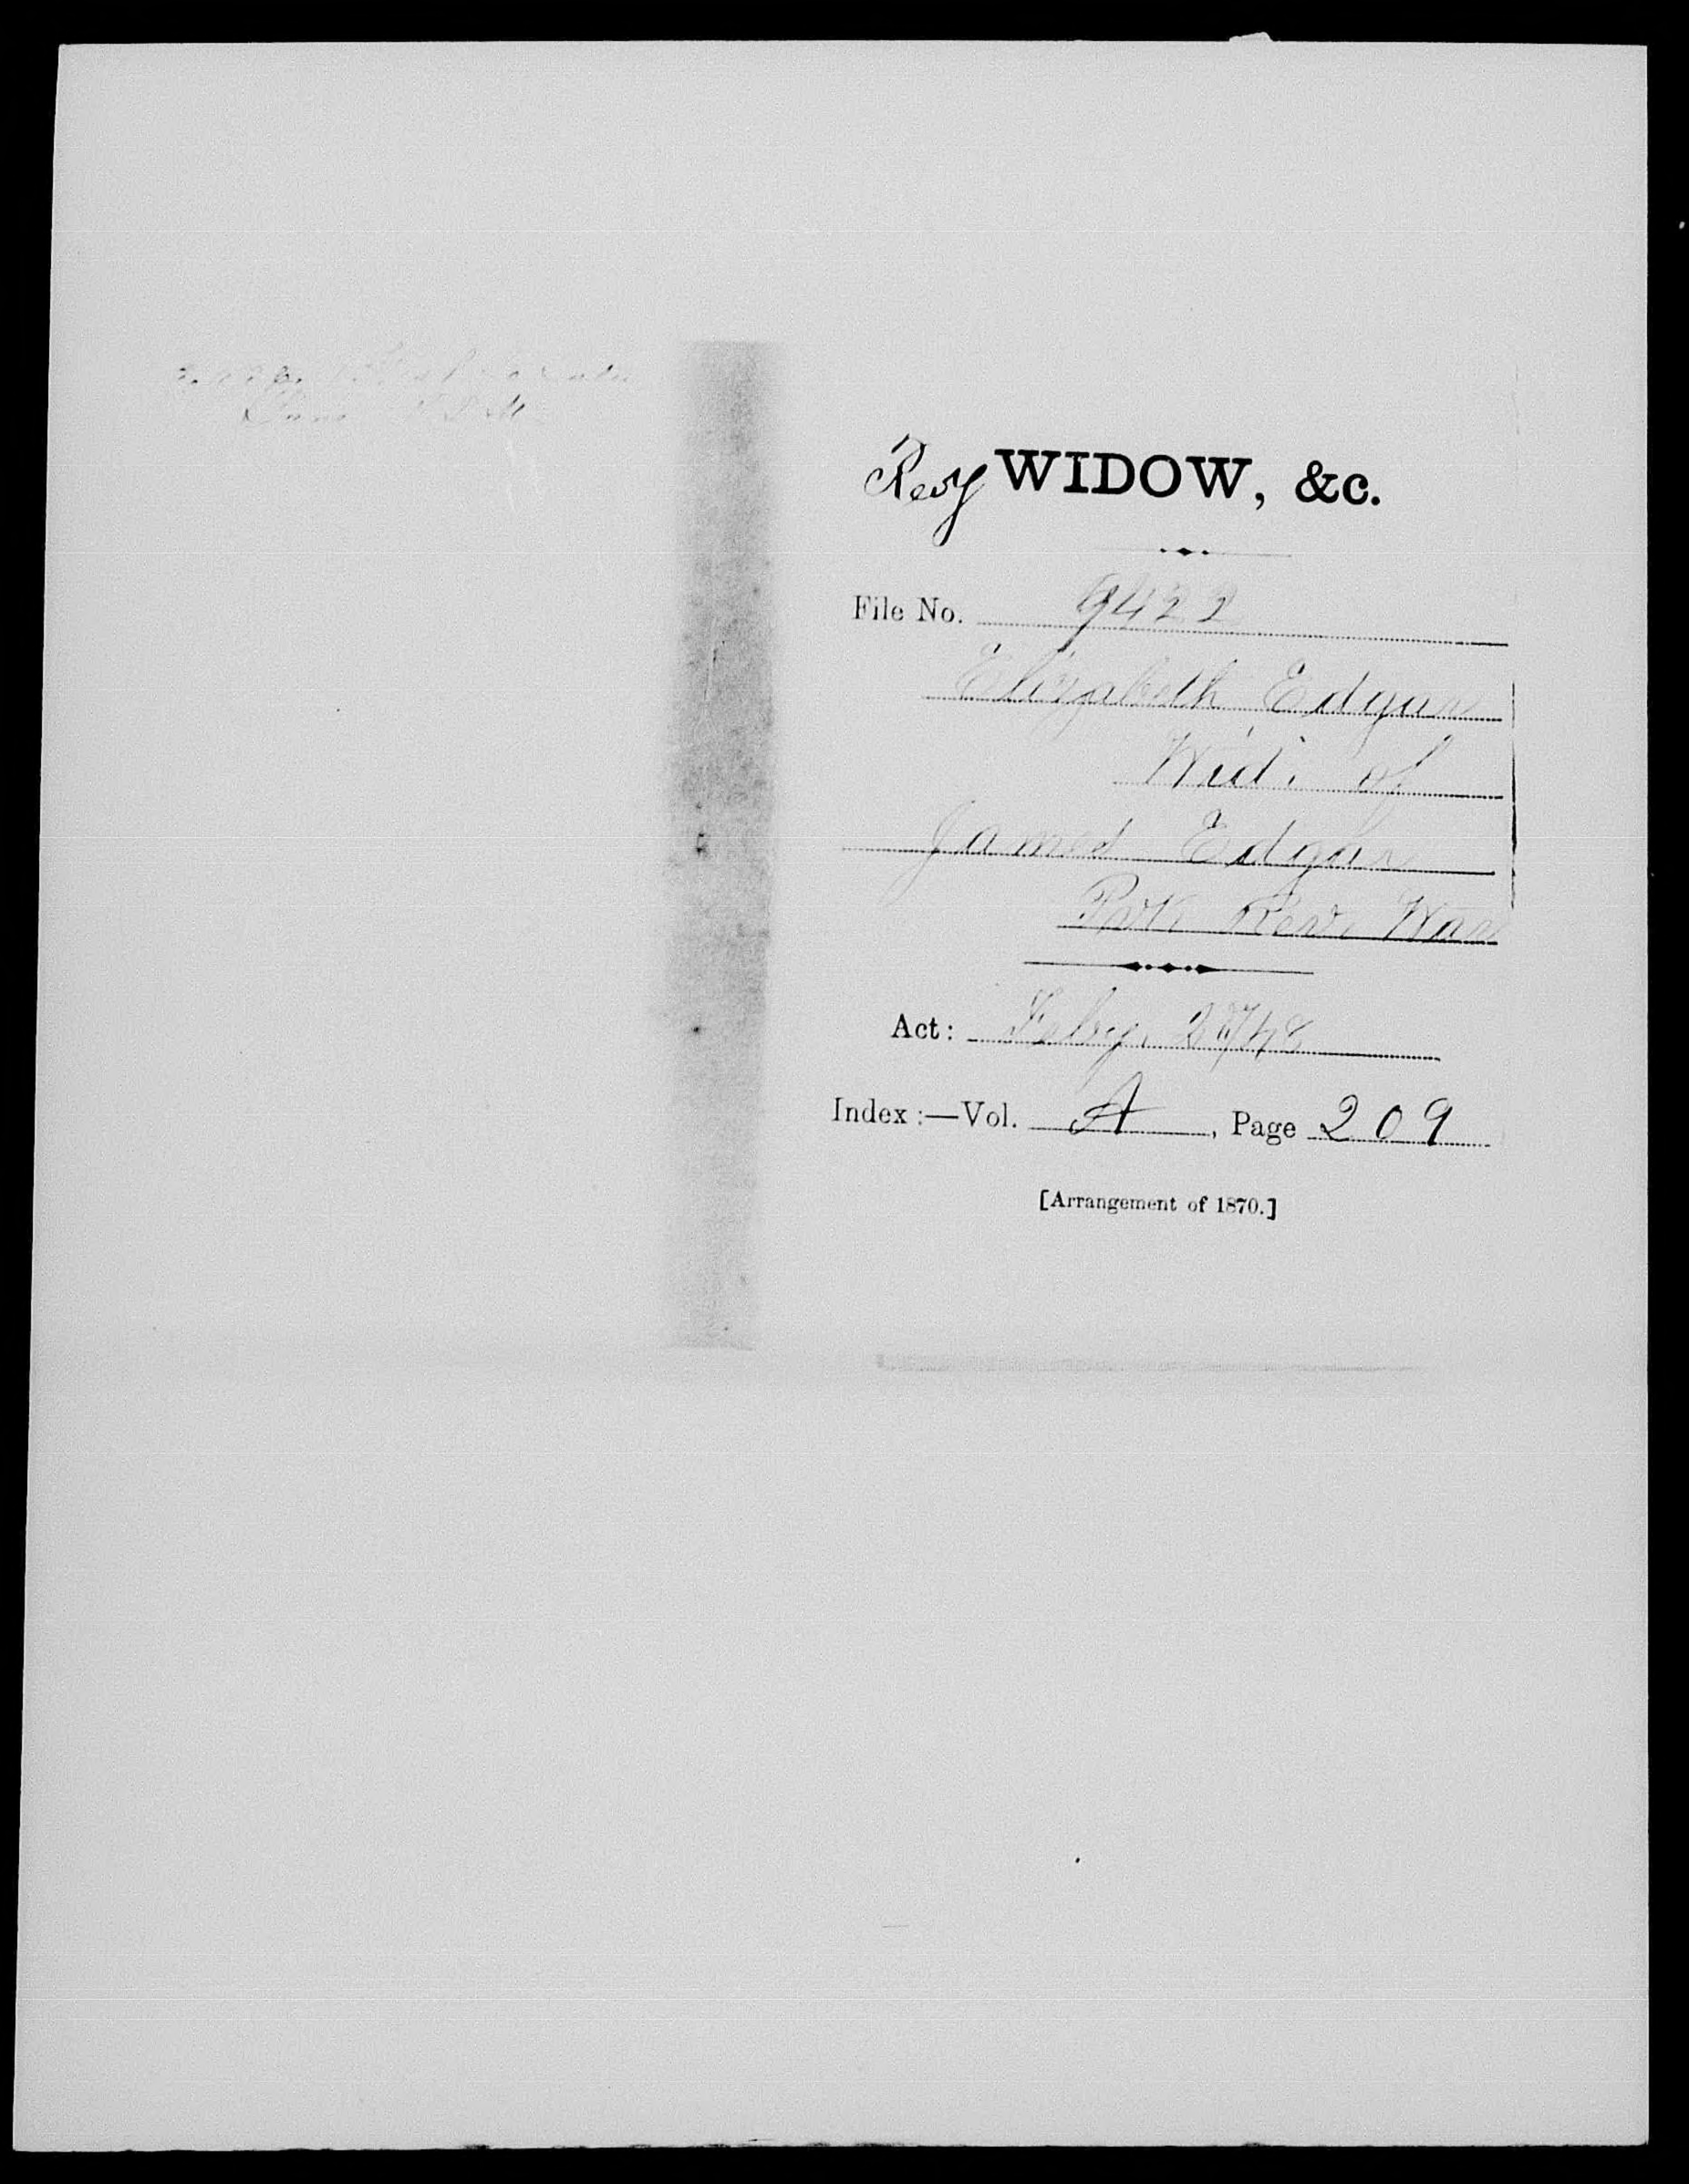Revy WIDOW, &c.
File No. 9422

Elizabeth Edgar
Wid of
James Edgar
Prvt Rev War
Act: Feby, 2748
Index:--Vol. A, Page 209
[Arrangement of 1870.]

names: James Edgar, Elizabeth Edgar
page: 32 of 74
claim: widow's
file: W. 9422, James Edgar, Penn.